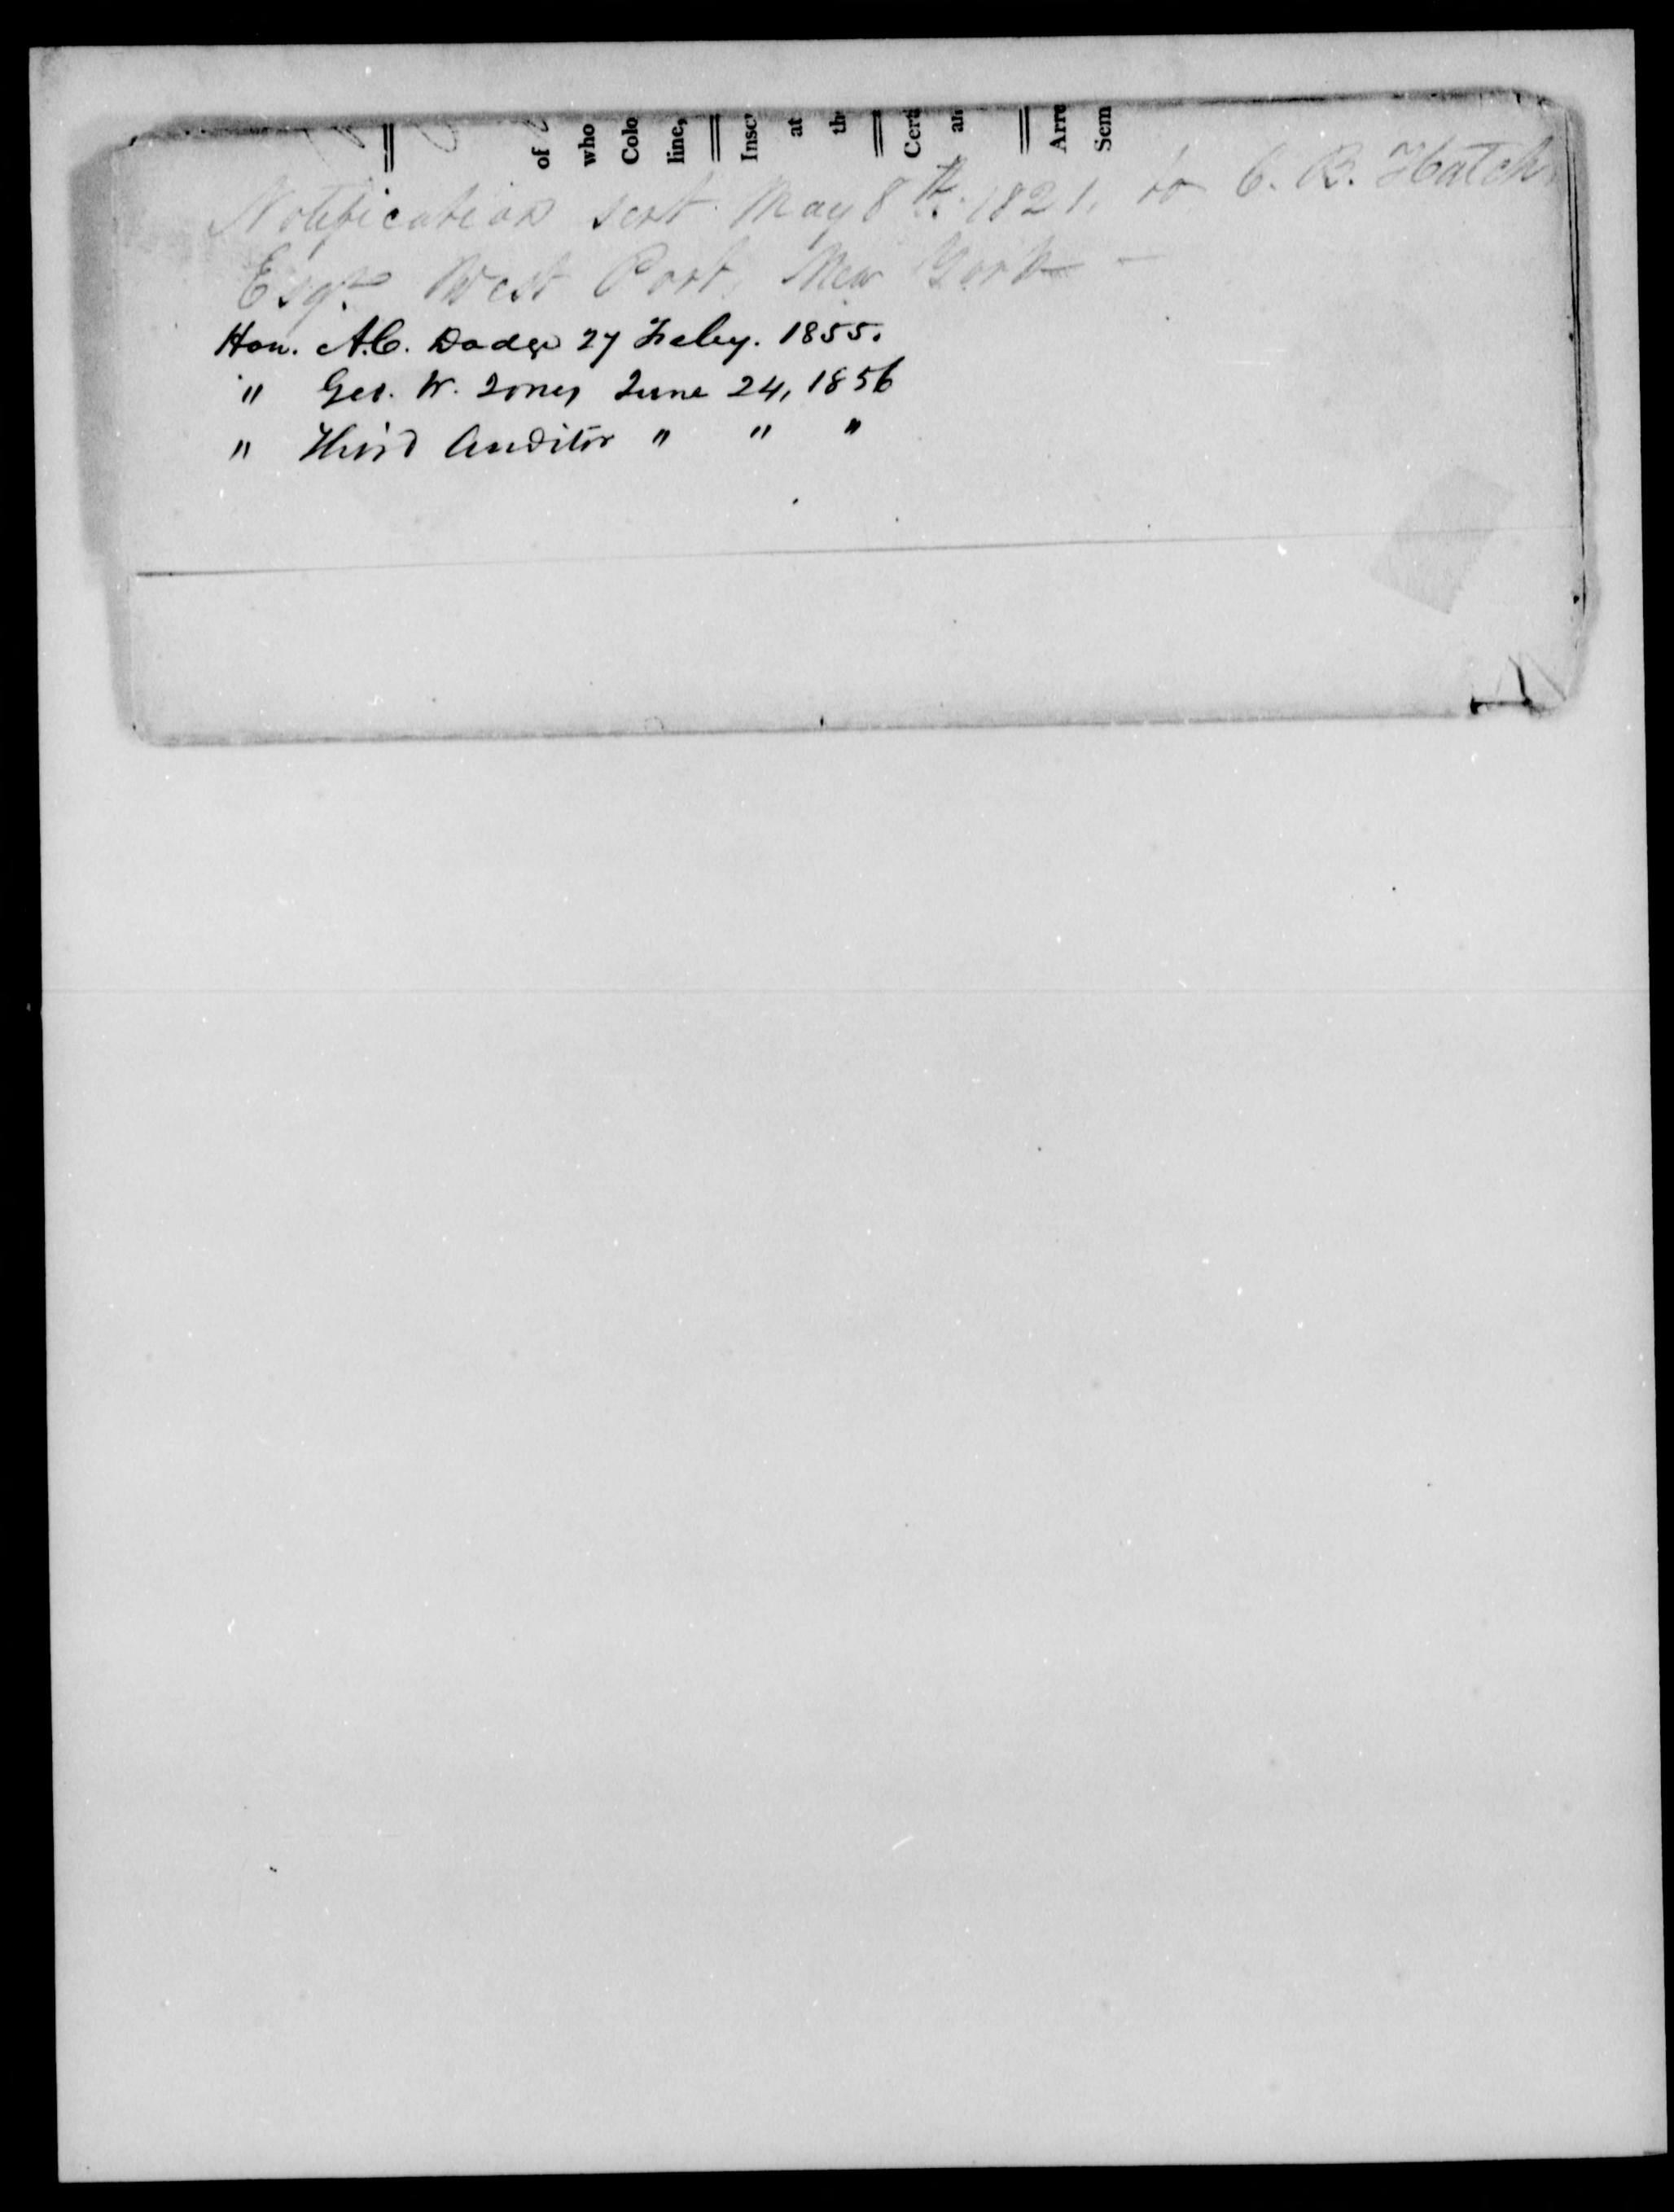Notification sent May 8th 1821 to C.B. Hatch
Esqr West Port New York
Hon. A.C. Dodge 27 Febuary 1855
" Gen W. Jones June 24, 1856
[not legible]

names: C B Hatch; Geo W Jones; A C Dodge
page: 3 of 16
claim: survivor's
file: S. 42341, for Benjamin Smith, Rhode Island